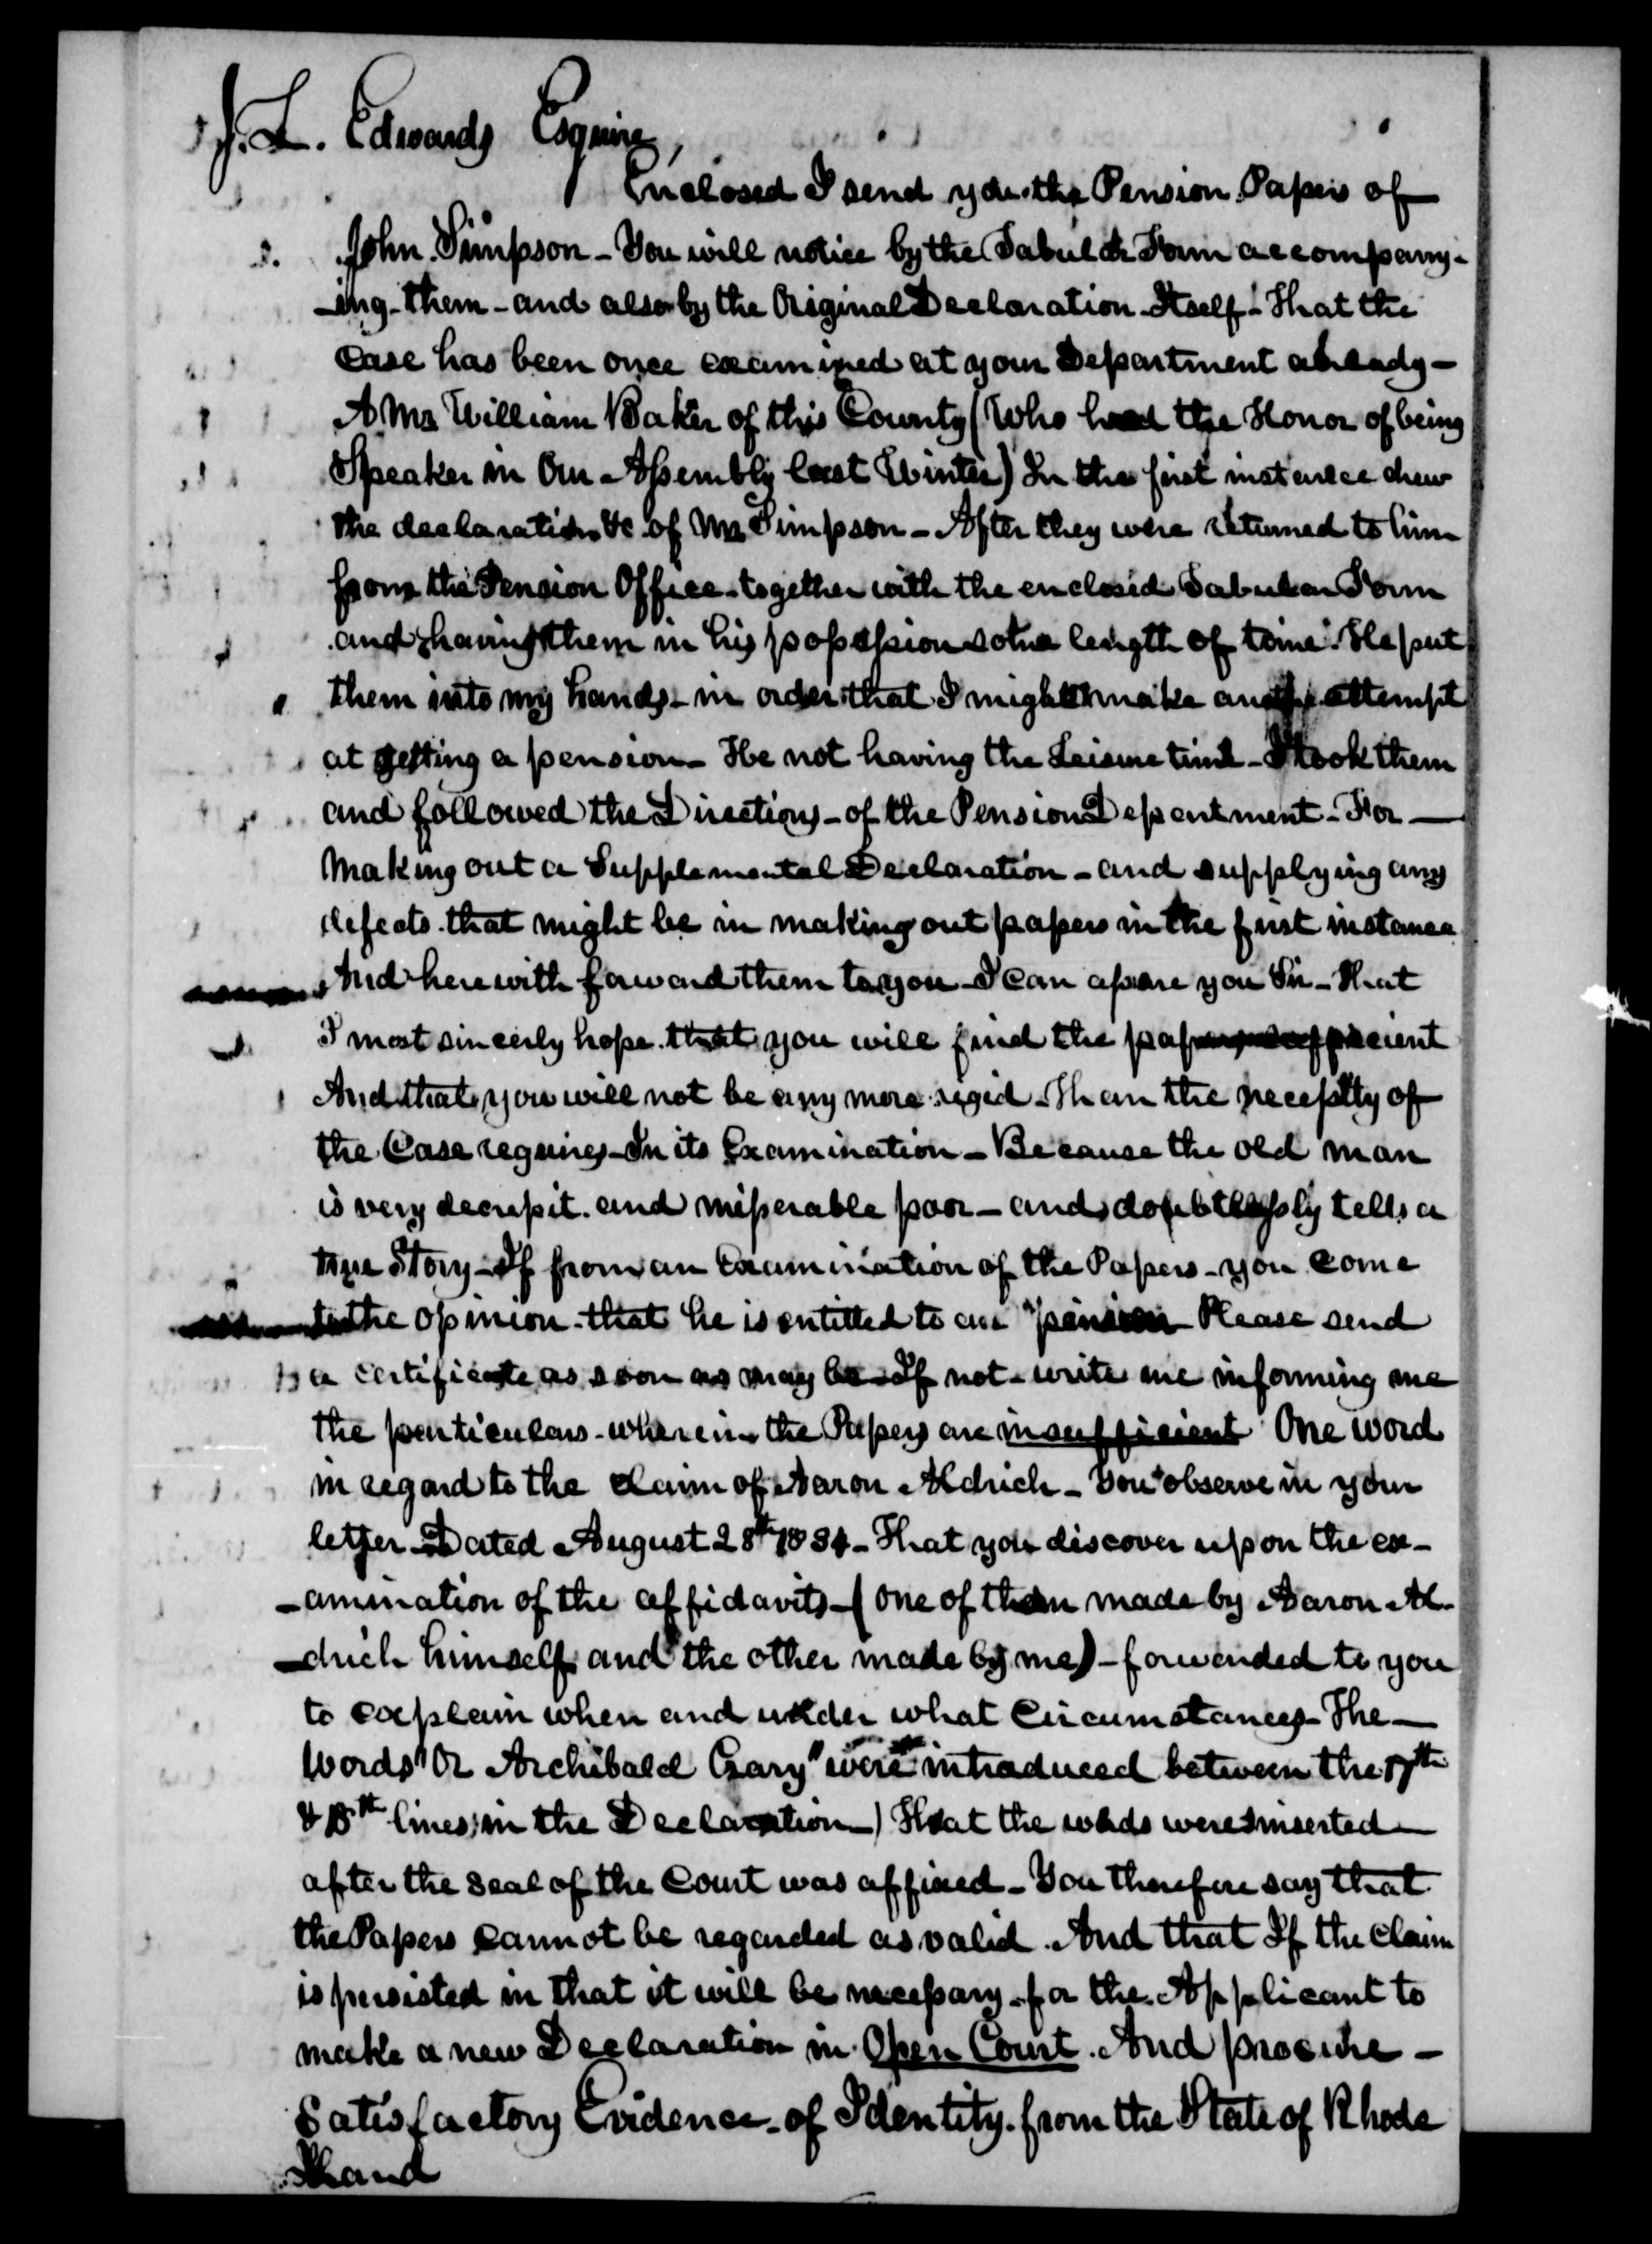J.L. Edwards Esquire,
Enclosed I send you the Pension Papers of
John Simpson-- You will notice by the Tabular Form accompanying them, and also by the Original Declaration itself. That the case has been once examined at your department already- A Mr William Baker of this County (who had the honor of being Speaker in Our Assembly last Winter) In the first instance drew
the declaration &c of Mr Simpson - After they were returned to him from the Pension Office together with the enclosed Tabular form and having them in his possession some length of time He put them into my hands, in order that I might make another attempt at getting a pension. He not having the Leisure time- I took them and followed the Direction of the Pension Department, For making out a Supplemental Declaration- and supplying any defects that might be in making out papers in the first instance. And herewith forward them to you I can assure you in that I most sincerely hope that you will find the papers sufficient And that you will not be any more rigid than the necessity of the case requires-In its Examination-  Because the old man is very decrepit and miserable poor- and doubtlessly tell a
true story- If from an examination of the papers- you come to the opinion that he is entitled to a pension please send a certificate as soon as may be If not write me informing me
the particulars wherein the papers are insufficient One word in regard to the claim of Aaron Aldrich - You observe in your letter Dated August 28th 1834- That you discover upon the examination of the affidavits (one of them made by Aaron Aldrich himself and the other made by me), forwarded to you to explain when and under what circumstances the words "or Archibald Crary" were introduced between the 17th & 18th lines in the Declaration) That the words were inserted after the seal of the Court was affixed. You therefore say that the papers cannot be regarded as valid. And that if the claim is persisted in that it will be necessary for the Applicant to make a new Declaration in Open Court. And procure- Satisfactory Evidence of Identity from the State of Rhode
Island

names: Archibald Crary; William Baker; J L Edwards; Aaron Aldrich; John Simpson; Aaron Aldrich; [BLANK] Simpson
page: 30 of 35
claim: rejected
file: R. 9601, for John Simson, New Jersey